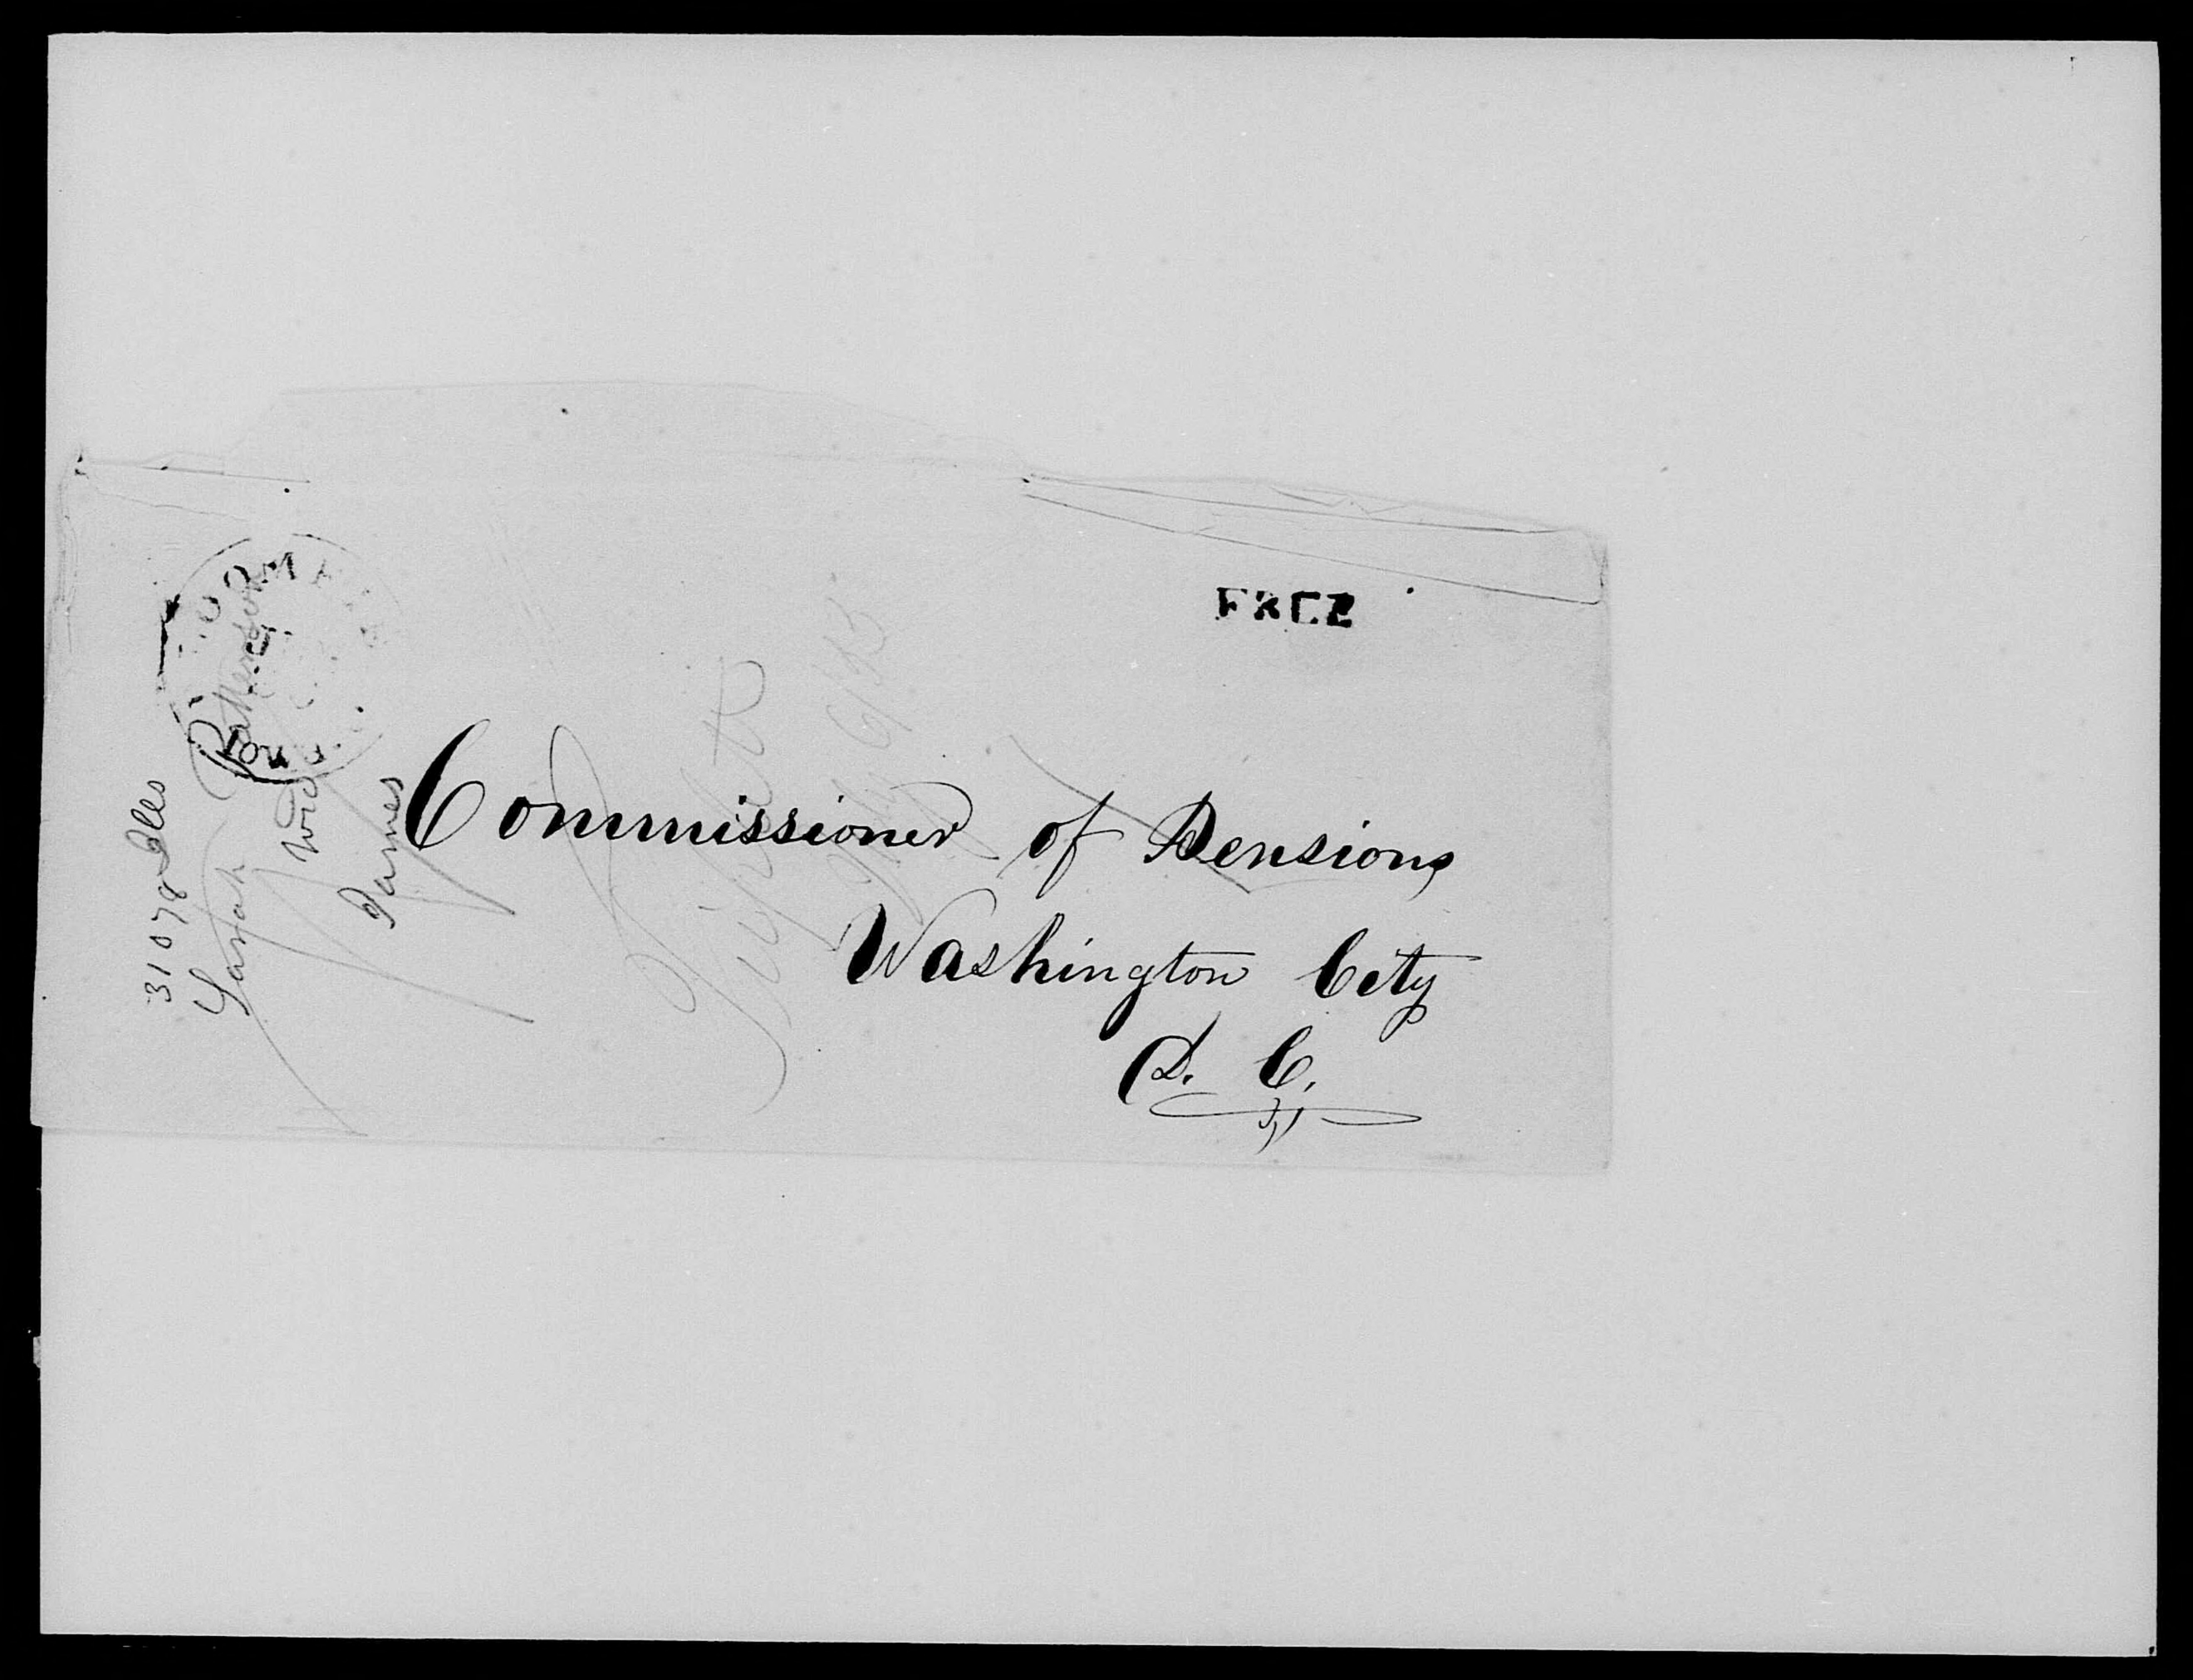31078 Ills
Sarah 
FREE 
Commissioner of Pensions 
Washington City 
D. C.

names: Sarah Patterson; [BLANK] Triplett; James Patterson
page: 58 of 69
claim: widow's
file: W. 10861, for James Patterson, North Carolina